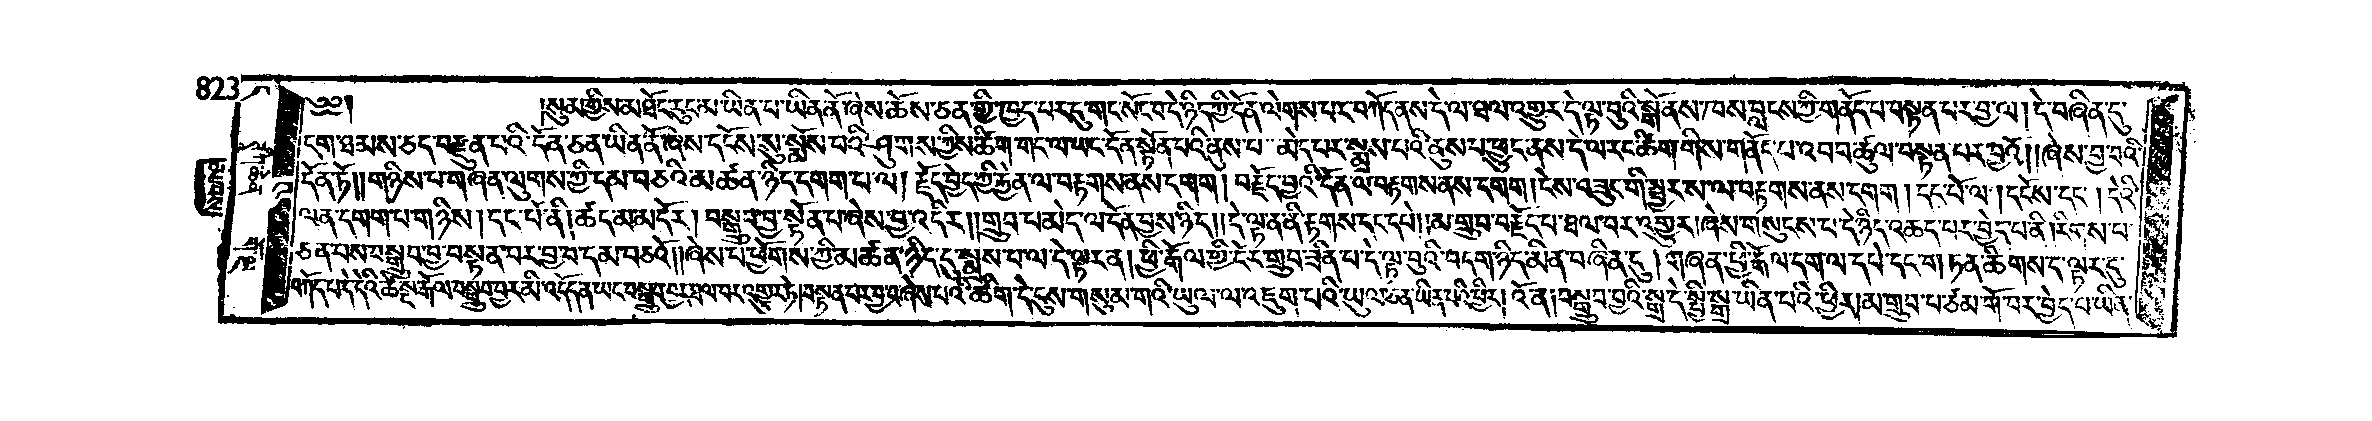༄༅། །སུམ་གྱིས་མཐོང་རུང་མ་ཡིན་པ་ཡིན་ནོ་ཞེས་ཆོས་ཅན་གྱི་ཁྱད་པར་དུ་གང་སོང་བ་དེ་ཉིད་ཀྱི་དོན་ལེགས་པར་བཀོད་ནས་དེ་ལ་ཐལ་འགྱུར་དེ་ལྟ་བུའི་སྒོ་ནས་ཁས་བླངས་ཀྱི་གནོད་པ་བསྟན་པར་བྱ་ལ། དེ་བཞིན་དུ་
ངག་ཐམས་ཅད་བརྫུན་པའི་དོན་ཅན་ཡིན་ནོ་ཞེས་དངོས་སུ་སྨོས་པའི་ཤུགས་ཀྱིས་ཚིག་གང་ལ་ཡང་དོན་སྟོན་པའི་ནུས་པ་མེད་པར་སྨྲས་པའི་ནུས་པ་ཕྱུང་ནས་དེ་ལ་རང་ཚིག་གིས་གནོད་པ་འབབ་ཚུལ་བསྟན་པར་བྱའོ། །ཞེས་བྱ་བའི་དོན་ཏོ། །གཉིས་པ་གཞན་ལུགས་ཀྱི་དམ་བཅའི་མཚན་ཉིད་དགག་པ་ལ། རྗོད་བྱེད་ཀྱི་རྐྱེན་ལ་བརྟགས་ནས་དགག །བརྗོད་བྱའི་དོན་ལ་བརྟགས་ནས་དགག། ངེས་བཟུང་གི་སྦྱར་ས་ལ་བརྟགས་ནས་དགག །དང་པོ་ལ། དངོས་དང་། དེའི་
ལན་དགག་པ་གཉིས། དང་པོ་ནི། ཚད་མ་མདོར། བསྒྲུབ་བྱ་སྟོན་པ་ཞེས་བྱ་འདིར། །གྲུབ་པ་མེད་ལ་དོན་བྱས་ཉིད། །དེ་ལྟ་ན་ནི་རྟགས་དང་དཔེ། །མ་གྲུབ་བརྗོད་པ་ཐལ་བར་འགྱུར། ཞེས་གསུངས་པ་དེ་ཉིད་འཆད་པར་བྱེད་པ་ནི། རིགས་པ་
ཅན་པས་བསྒྲུབ་བྱ་བསྟན་པར་བྱ་བ་དམ་བཅའོ། །ཞེས་པ་ཕྱོགས་ཀྱི་མཚན་ཉིད་དུ་སྨྲས་པ་ལ་དེ་ལྟར་ན། ཕྱི་རྒོལ་གྱི་ངོར་གྲུབ་ཟིན་པ་དེ་ལྟ་བུའི་བདག་ཉིད་མིན་བཞིན་དུ། གཞན་ཕྱི་རྒོལ་དག་ལ་དཔེ་དང་གཏན་ཚིགས་ད་ལྟར་དུ་
བཀོད་པ་དེ་དེའི་ཚེ་སྔ་རྒོལ་བསྒྲུབ་བྱར་མི་འདོད་ན་ཡང་བསྒྲུབ་བྱར་ཐལ་བར་འགྱུར་ཏེ། བསྟན་པར་བྱ་བ་ཞེས་པའི་ཚིག་དེ་དུས་གསུམ་གའི་ཡུལ་ལ་འཇུག་པའི་ཡུལ་ཅན་ཡིན་པའི་ཕྱིར། འོ་ན། བསྒྲུབ་བྱའི་སྒྲ་དེ་སྤྱི་སྒྲ་ཡིན་པའི་ཕྱིར། མ་གྲུབ་པ་ཙམ་གོ་བར་བྱེད་པ་ཡིན་